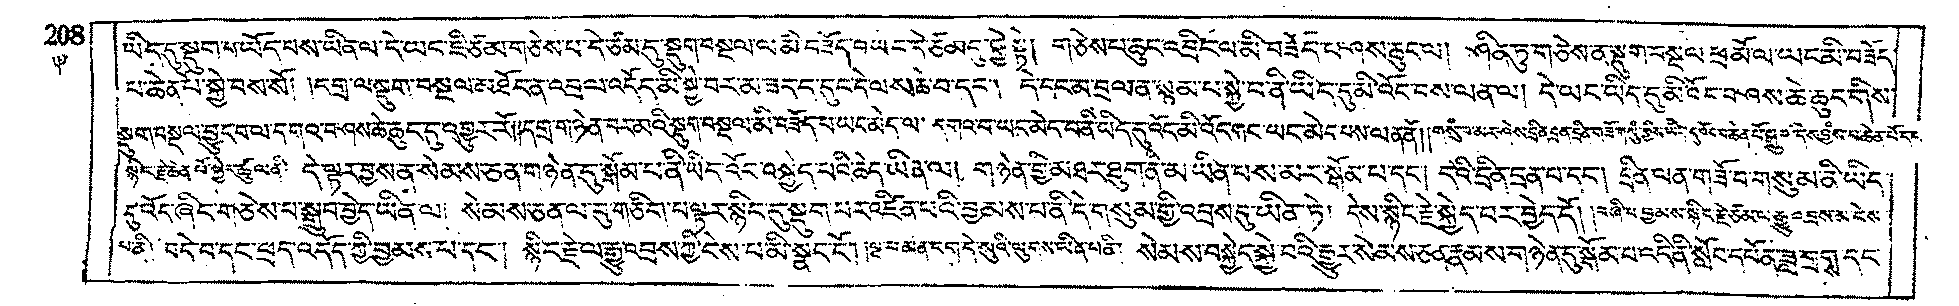ཡིད་དུ་སྡུག་པ་ཡོད་པས་ཡིན་ལ་དེ་ཡང་ཇི་ཙམ་གཅེས་པ་དེ་ཙམ་དུ་སྡུག་བསྔལ་ལ་མི་བཟོད་བ་ཡང་དེ་ཙམ་དུ་སྐྱེ་སྟེ། གཅེས་པ་ཆུང་འབྲིང་ལ་མི་བཟོད་པ་ཤས་ཆུང་ལ། ཤིན་ཏུ་གཅེས་ན་སྡུག་བསྔལ་ཕྲ་མོ་ལ་ཡང་མི་བཟོད་
པ་ཆེན་པོ་སྐྱེ་བས་སོ། །དགྲ་ལ་སྡུག་བསྔལ་མཐོང་ན་འབྲལ་འདོད་མི་སྐྱེ་བར་མ་ཟད་ད་དུང་དེ་ལས་ཆེ་བ་དང་། དེ་དང་མ་བྲལ་ན་སྙམ་པ་སྐྱེ་བ་ནི་ཡིད་དུ་མི་འོང་བས་ལན་ལ། དེ་ཡང་ཡིད་དུ་མི་འོང་བ་ཤས་ཆེ་ཆུང་གིས་
སྡུག་བསྔལ་བྱུང་བ་ལ་དགའ་བ་ཤས་ཆེ་ཆུང་དུ་འགྱུར་རོ། །དགྲ་གཉེན་བར་མའི་སྡུག་བསྔལ་མི་བཟོད་པ་ཡང་མེད་ལ། དགའ་བ་ཡང་མེད་བ་ནི་ཡིད་དུ་འོང་མི་འོང་གང་ཡང་མེད་པས་ལན་ནོ། །གསུཾ་པ་མར་ཤེས་དྲིན་དྲན་དྲིན་གཟོག་སུཾ་གྱིས་ཡིད་དུ་འོང་བ་ཆེན་པོ་སྒྲུབ་དེས་བྱཾས་པ་ཆེན་པོ་དང་
སྙིང་རྗེ་ཆེན་པོ་སྐྱེད་ཚུལ་ནི། དེ་ལྟར་བྱས་ན་སེམས་ཅན་གཉེན་དུ་སྒོམ་པ་ནི་ཡིད་འོང་བསྐྱེད་པའི་ཆེད་ཡིན་ལ། གཉེན་གྱི་མཐར་ཐུག་ནི་མ་ཡིན་པས་མར་སྒོམ་པ་དང་། དེའི་དྲིན་དྲན་པ་དང་། དྲིན་ལན་གཟོ་བ་གསུམ་ནི་ཡིད་
དུ་འོང་ཞིང་གཅེས་པ་སྒྲུབ་བྱེད་ཡིན་ལ། སེམས་ཅན་ལ་བུ་གཅིག་པ་ལྟར་སྙིང་དུ་སྡུག་པར་འཛིན་པའི་བྱམས་པ་ནི་དེ་གསུམ་གྱི་འབྲས་བུ་ཡིན་ཏེ། དེས་སྙིང་རྗེ་སྐྱེད་པར་བྱེད་དོ། །བཞི་པ་བྱམས་སྙིང་རྗེ་ཙམ་ལ་རྒྱུ་འབྲས་མ་ངེས་
པ་ནི། བདེ་བ་དང་ཕྲད་འདོད་ཀྱི་བྱམས་པ་དང་། སྙིང་རྗེ་ལ་རྒྱུ་འབྲས་ཀྱི་ངེས་པ་མི་སྣང་ངོ། །ལྔ་པ་མན་ངག་དེ་སུའི་ལུགས་ཡིན་པ་ནི།  སེམས་བསྐྱེད་སྐྱེ་བའི་རྒྱུར་སེམས་ཅན་རྣམས་གཉེན་དུ་སྒོམ་པ་འདི་ནི་སློབ་དཔོན་ཟླ་དྲགས་དང་